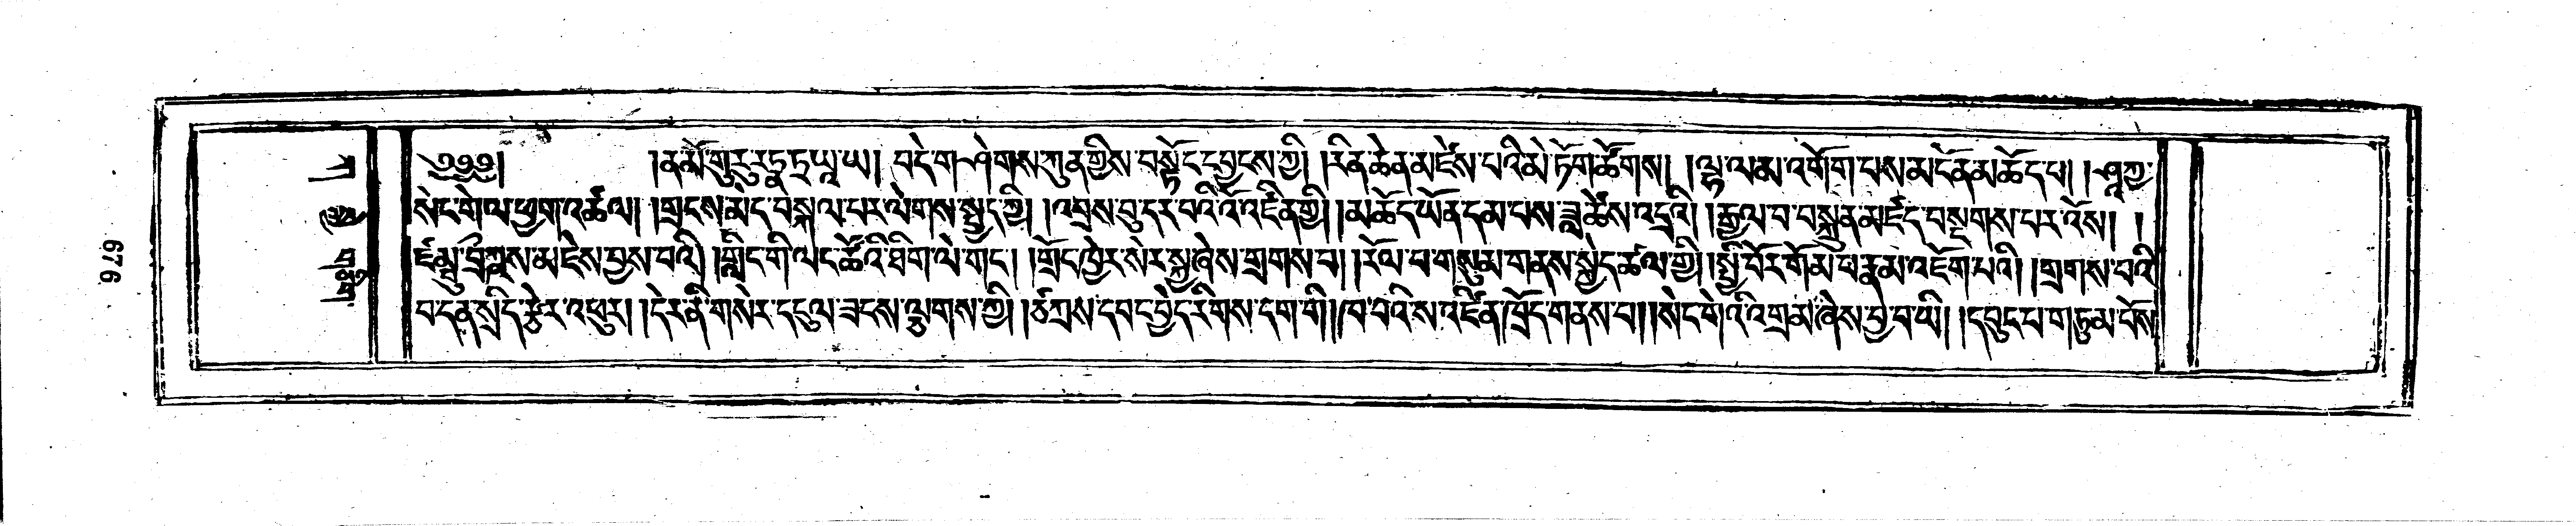༄༅༅། །ན་མོ་གུ་རུ་རཏྣ་ཏྲ་ཡཱ་ཡ། བདེ་གཤེགས་ཀུན་གྱིས་བསྟོད་དབྱངས་ཀྱི། །རིན་ཆེན་མཛེས་པའི་མེ་ཏོག་ཚོགས། །ལྷ་ལམ་འགོག་པས་མངོན་མཆོད་པ། །ཤཱཀྱ་
སེང་གེ་ལ་ཕྱག་འཚལ། །གྲངས་མེད་བསྐལ་པར་ལེགས་སྤྱད་ཀྱི། །འབྲས་བུ་དར་བའི་འོ་འཛིན་གྱི། །མཆོད་ཡོན་དམ་པས་ཟླ་ཚེས་འདྲའི། །རྒྱལ་བ་བསྐྲུན་མཛད་བསྔགས་པར་འོས། །
ཛམྦུ་བྲྀཀྵས་མཛེས་བྱས་པའི། །གླིང་གི་ལང་ཚོའི་ཐིག་ལེ་གང་། །གྲོང་ཁྱེར་སེར་སྐྱ་ཞེས་གྲགས་པ། །རོལ་པ་གསུམ་གནས་སྐྱེད་ཚལ་གྱི། །སྤྱི་བོར་གོམ་པ་རྣམ་འཇོག་པའི། །གྲགས་པའི་
བ་དན་སྲིད་རྩེར་འཕུར། །དེར་ནི་གསེར་དངུལ་ཟངས་ལྕགས་ཀྱི། །ཙ་ཀྲས་དབང་བྱེད་རིགས་དག་གི །ཁ་བའི་ས་འཛིན་ཁྲོད་གནས་པ། །སེང་གེའི་འགྲམ་ཞེས་བྱ་བ་ཡི། །དཔུང་པ་གཏུམ་པོས་